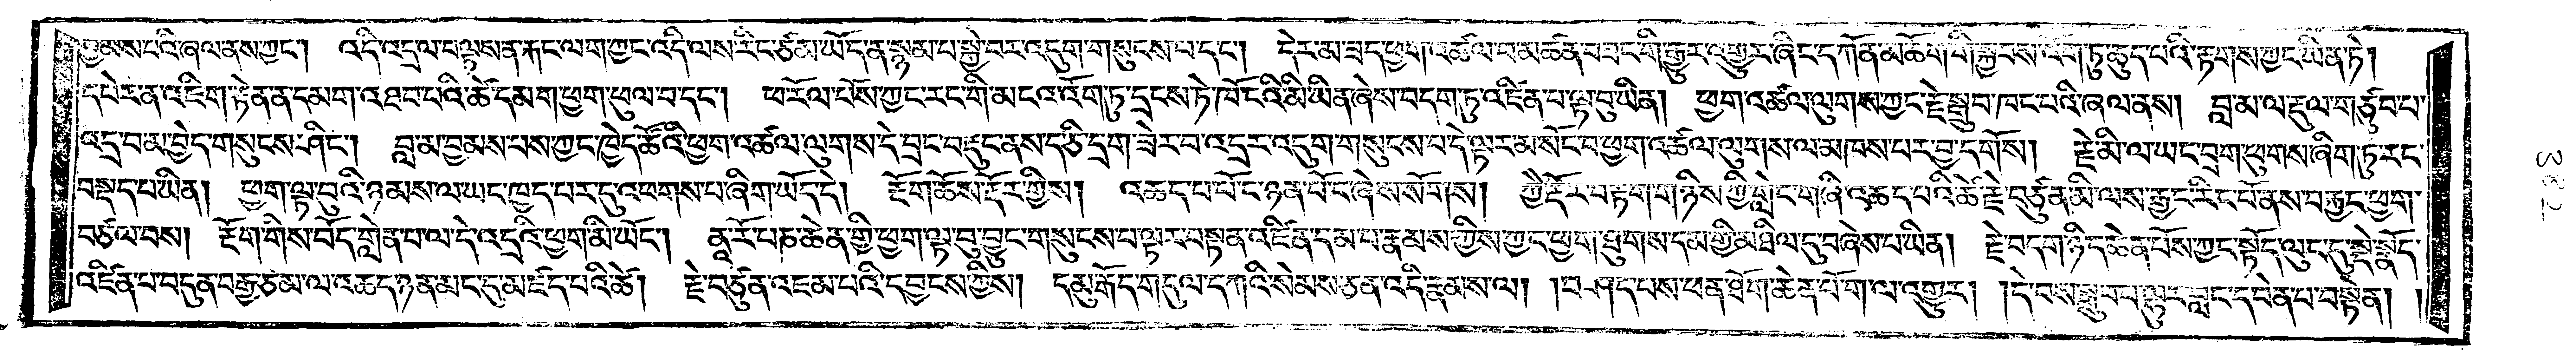བྱམས་པའི་ཞལ་ནས་ཀྱང་། འདི་འདྲལ་བལྟས་ན་རྐང་ལག་ཀྱང་འདི་ལས་རིང་ཙམ་ཡོད་ན་སྙམ་པ་སྐྱེ་བར་འདུག་གསུངས་པ་དང་། དེར་མ་ཟད་ཕྱག་འཚལ་བ་མཚན་བཟང་གི་རྒྱུར་འགྱུར་ཞིང་དཀོན་མཆོག་གི་སྐྱབས་འོག་ཏུ་ཆུད་པའི་རྟགས་ཀྱང་ཡིན་ཏེ།
དཔེར་ན་འཇིག་རྟེན་ན་དམག་འཐབ་པའི་ཚེ་དམག་ཕྱག་ཕུལ་བ་དང་། ཕ་རོལ་པོས་ཀྱང་རང་གི་མངའ་འོག་ཏུ་དྲངས་ཏེ་ཁོ་ངའི་མི་ཡིན་ཞེས་བདག་ཏུ་འཛིན་པ་ལྟ་བུ་ཡིན། ཕྱག་འཚལ་ལུགས་ཀྱང་རྗེ་སྒྲུབ་ཁང་བའི་ཞལ་ནས། བླ་མ་ལ་རྡུལ་གཙུབ་པ་
འདྲ་བ་མ་བྱེད་གསུངས་ཤིང་། བླ་མ་བྱམས་པས་ཀྱང་ཁྱེད་ཚོའི་ཕྱག་འཚལ་ལུགས་དེ་བྲང་བརྡུང་ནས་ད་ཅི་དྲག་ཟེར་བ་འདྲར་འདུག་གསུངས་པ་དེ་ལྟར་མ་སོང་བ་ཕྱག་འཚལ་ལུགས་ལ་མཁས་པར་བྱ་དགོས། རྗེ་མི་ལ་ཡང་བྲག་ཕུགས་ཞིག་ཏུ་རང་
བསྡད་པ་ཡིན། ཕྱག་ལྟ་བུའི་ཉམས་ལ་ཡང་ཁྱད་པར་དུ་འཕགས་པ་ཞིག་ཡོད་དེ། རྔོག་ཆོས་རྡོར་གྱིས། འཆད་པ་པོ་ང་ཉན་པོ་བཞེས་སོགས། ཀྱཻ་རྡོར་བརྟག་གཉིས་ཀྱི་གླེང་གཞི་འཆད་པའི་ཚེ་རྗེ་བཙུན་མི་ལས་རྒྱང་རིང་པོ་ནས་བརྐྱང་ཕྱག་
བཙལ་བས། རྡོག་གིས་བོད་གླེན་བ་ལ་དེ་འདྲའི་ཕྱག་མི་ཡོང་། ནཱ་རོ་པཎ་ཆེན་གྱི་ཕྱག་ལྟ་བུ་བྱུང་གསུངས་པ་ལྟར་བསྟན་འཛིན་དམ་པ་རྣམས་ཀྱིས་ཀྱང་ཕྱག་ཐུགས་དམ་གྱི་མཐིལ་དུ་བཞེས་པ་ཡིན། རྗེ་བདག་ཉིད་ཆེན་པོས་ཀྱང་སྟོད་ལུང་དུ་སྡེ་སྣོད་
འཛིན་པ་བདུན་བརྒྱ་ཙམ་ལ་འཆད་ཉན་མང་དུ་མཛད་པའི་ཚེ། རྗེ་བཙུན་འཇམ་པའི་དབྱངས་ཀྱིས། དམུ་རྒོད་གདུལ་དཀའི་སེམས་ཅན་འདི་རྣམས་ལ། །བཤད་པས་ཕན་ཐོག་ཆེན་པོ་ག་ལ་འགྱུར། །དེ་བས་སྒྲུབ་པ་ལྷུར་བླང་དབེན་པ་བསྟེན། །